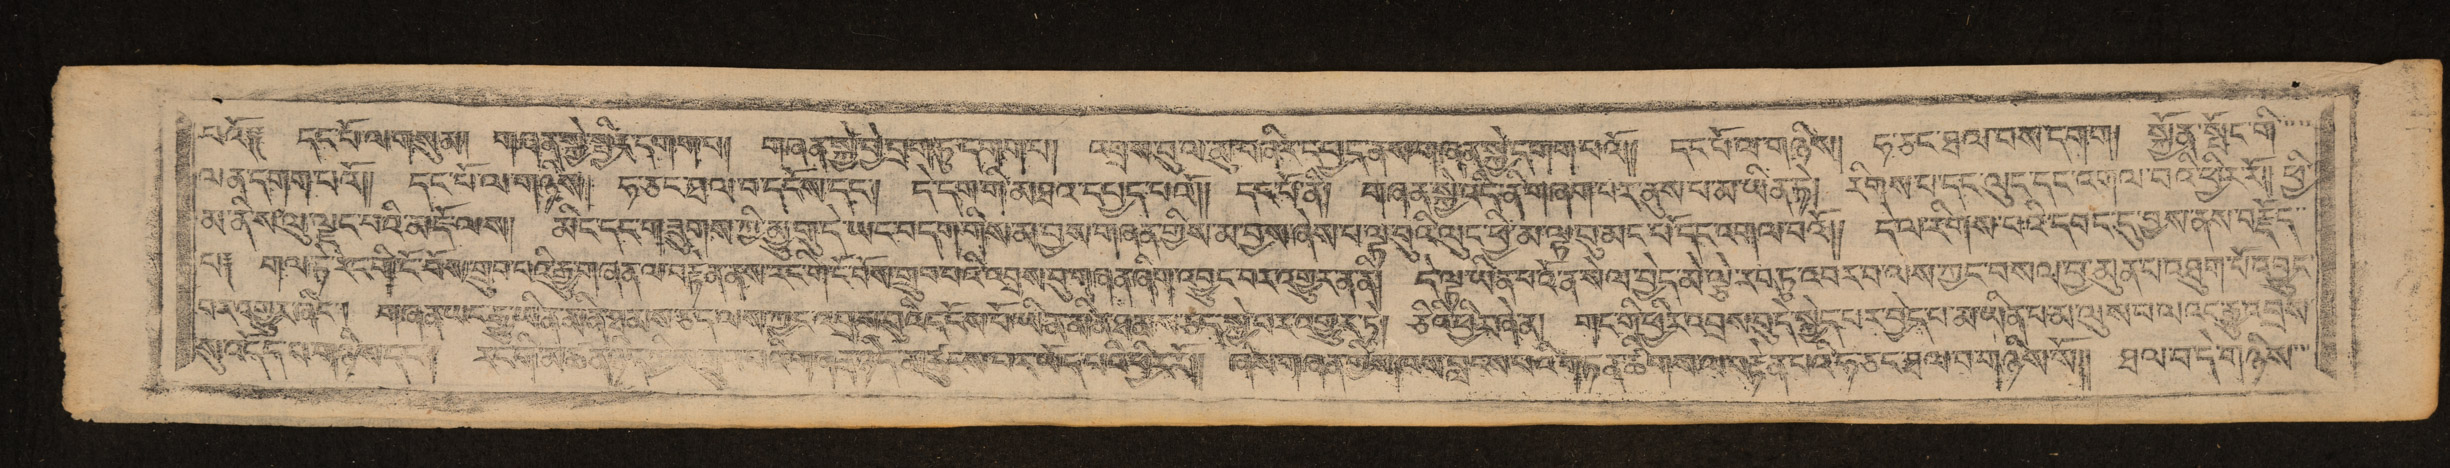པའོ།། དང་པོ་ལ་གསུམ། གཞན་སྐྱེ་སྤྱིར་དགག་པ། གཞན་སྐྱེ་བྱེ་བྲག་ཏུ་དགག་པ། འབྲས་བུ་ལ་མུ་བཞིར་དཔྱད་ནས་གཞན་སྐྱེ་དགག་པའོ།། དང་པོ་ལ་གཉིས། ཧ་ཅང་ཐལ་བས་དགག། སྐྱོན་སྤོང་གི་
ལན་དགག་པའོ།། དང་པོ་ལ་གཉིས། ཧ་ཅང་ཐལ་བ་དངོས་དང་། དེ་དག་གི་མཐའ་དཔྱད་པའོ།། དང་པོ་ནི། གཞན་སྐྱེ་འདི་ནི་གཞག་པར་ནུས་པ་མ་ཡིན་ཏེ། རིགས་པ་དང་ལུང་དང་འགལ་བའི་ཕྱིར་རོ།། ཕྱི་
མ་ནི་ས་ལུ་ལྗང་བའི་མདོ་ལས། མིང་དང་གཟུགས་ཀྱི་མྱུ་གུ་དེ་ཡང་བདག་གིས་མ་བྱས་གཞན་གྱིས་མ་བྱས་ཞེས་པ་ལྟ་བུའི་ལུང་ཕྱི་མ་ལྟ་བུ་མང་པོ་དང་འགལ་བའོ།། དེ་ལ་རིགས་པའི་དབང་དུ་བྱས་ནས་བརྗོད་
པ། གལ་ཏེ་རང་གི་ངོ་བོས་གྲུབ་པའི་རྒྱུ་གཞན་ལ་བརྟེན་ནས་རང་གི་ངོ་བོས་གྲུབ་པའི་འབྲས་བུ་གཞན་ཞིག་འབྱུང་བར་འགྱུར་ན་ནི། དེ་ལྟ་ཡིན་པ་འོ་ན་སེལ་བྱེད་མེ་ལྕེ་རབ་ཏུ་འབར་བ་ལས་ཀྱང་བསལ་བྱ་མུན་པ་འཐུག་པོ་འབྱུང་
བར་འགྱུར་ཞིང་། གཞན་ཡང་རྒྱུ་ཡིན་མིན་ཐམས་ཅད་ལས་ཀྱང་འབྲས་བུའི་དངོས་པོ་ཡིན་མིན་ཐམས་ཅད་སྐྱེ་བར་འགྱུར་ཏེ། ཅིའི་ཕྱིར་ཞེ་ན། གང་གི་ཕྱིར་འབྲས་བུ་དེ་སྐྱེད་པར་བྱེད་པ་མ་ཡིན་པ་མ་ལུས་པ་ལའང་རྒྱུ་འབྲས་
སུ་འདོད་པ་གཉིས་དང་། རང་གི་མཚན་ཉིད་ཀྱིས་གྲུབ་པའི་གཞན་ཉིད་མཚུངས་པར་ཡོད་པའི་ཕྱིར་རོ།། ཞེས་གཞན་གྱིས་ཁས་བླངས་པའི་གཏན་ཚིགས་ལ་བརྟེན་པའི་ཧ་ཅང་ཐལ་བ་གཉིས་སོ།། ཐལ་བ་དེ་གཉིས་